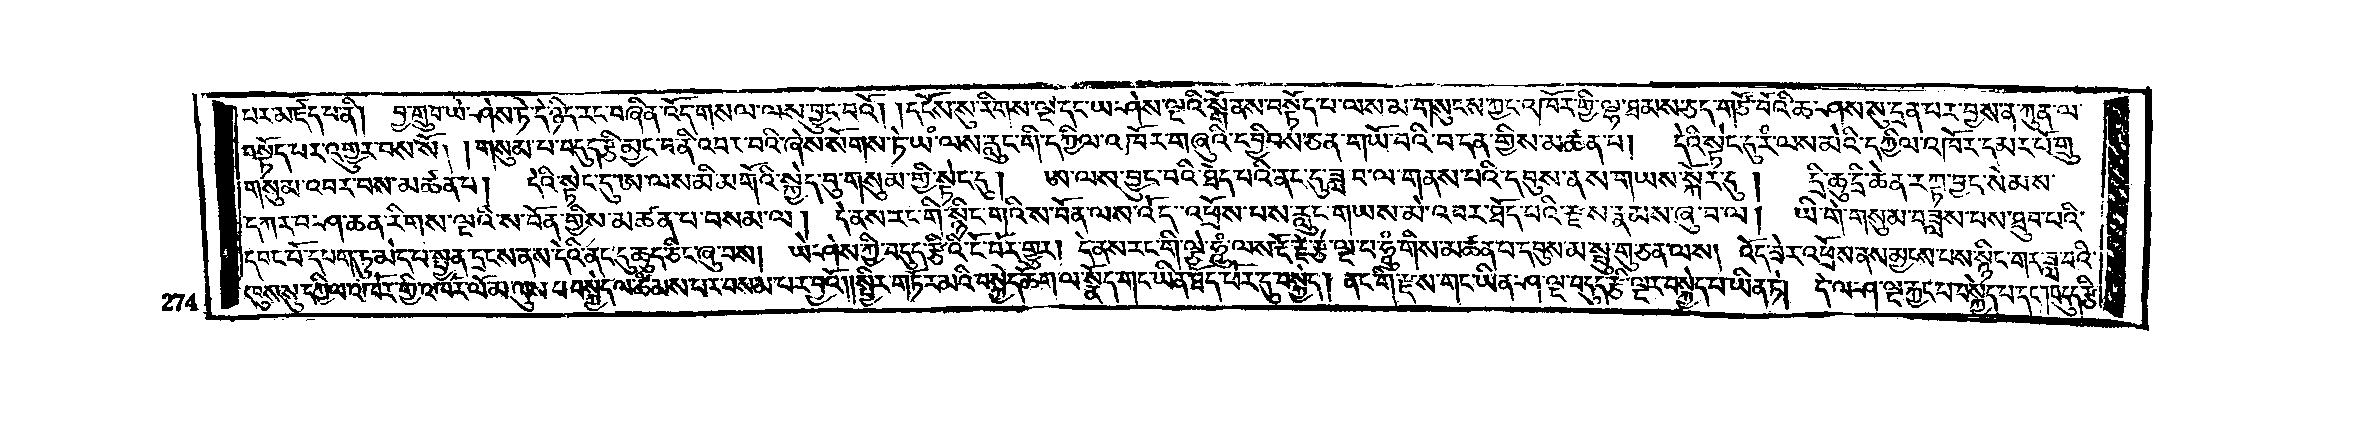པར་མཛད་པ་ནི། བྱ་གྲུབ་ཡེ་ཤེས་ཏེ་དེ་ཉིད་རང་བཞིན་འོད་གསལ་ལས་བྱུང་བའོ། །དངོས་སུ་རིགས་ལྔ་དང་ཡེ་ཤེས་ལྔའི་སྒོ་ནས་བསྟོད་པ་ལས་མ་གསུངས་ཀྱང་འཁོར་གྱི་ལྷ་ཐམས་ཅད་གཙོ་བོའི་ཆ་ཤས་སུ་དྲན་པར་བྱས་ན་ཀུན་ལ་
བསྟོད་པར་འགྱུར་བས་སོ། །གསུམ་པ་བདུད་རྩི་མྱང་བ་ནི་འབར་བའི་ཞེས་སོགས་ཏེ་ཡཾ་ལས་རླུང་གི་དཀྱིལ་འཁོར་གཞུའི་དབྱིབས་ཅན་གཡོ་བའི་བ་དན་གྱིས་མཚན་པ། དེའི་སྟེང་དུ་རཾ་ལས་མེའི་དཀྱིལ་འཁོར་དམར་པོ་གྲུ་
གསུམ་འབར་བས་མཚན་པ། དེའི་སྟེང་དུ་ཨ་ལས་མི་མགོའི་སྐྱེད་བུ་གསུམ་གྱི་སྟེང་དུ། ཨ་ལས་བྱུང་བའི་ཐེད་པའི་ནང་དུ་ཟླ་བ་ལ་གནས་པའི་དབུས་ནས་གཡས་སྐོར་དུ། དྲི་ཆུ་དྲི་ཆེན་རཀཏ་བྱང་སེམས་
དཀར་བ་ཤ་ཆན?་རིགས་ལྔའི་ས་བོན་གྱིས་མཚན་པ་བསམ་ལ། དེ་ནས་རང་གི་སྙིང་གའི་ས་བོན་ལས་འོད་འཕྲོས་པས་རླུང་གཡས་མེ་འབར་ཐོད་པའི་རྫས་རྣམས་ཞུ་བ་ལ། ཡི་གེ་གསུམ་བཟླས་པས་ཐུབ་པའི་
དབང་པོ་དཔག་ཏུ་མེད་པ་སྤྱན་དྲངས་ནས་དེའི་ནང་དུ་ཆུད་ཅིང་ཞུ་བས། ཡེ་ཤེས་ཀྱི་བདུད་རྩིའི་ངོ་བོར་གྱུར། དེ་ནས་རང་གི་ལྕེ་ཧཱུཾ་ལས་རྡོ་རྗེ་རྩེ་ལྔ་པ་ཧཱུཾ་གྱིས་མཚན་པ་དབུས་མས་པུ་གུ་ཅན་ལས། འོད་ཟེར་འཕྲོས་ནས་མྱངས་པས་སྙིང་གར་ཟླ་བའི་དབུས་སུ་དཀྱིལ་འཁོར་གྱི་འཁོར་ལོ་མ་ལུས་པ་བསྐྱེད་ལ་ཚིམས་པར་བསམ་པར་བྱའོ། །སྤྱིར་གཏོར་མའི་བསྐྱེད་ཆོ་ལ་སྣོད་གང་ཡིན་ཐོད་ཕོར་དུ་བསྐྱེད། ནང་གི་རྫས་གང་ཡིན་ཤ་ལྔ་བདུད་རྩི་ལྔར་བསྐྱེད་པ་ཡིན་ཏེ། དེ་ལ་ཤ་ལྔ་རྐྱང་པ་བསྐྱེད་པ་དང་། བདུད་རྩི་